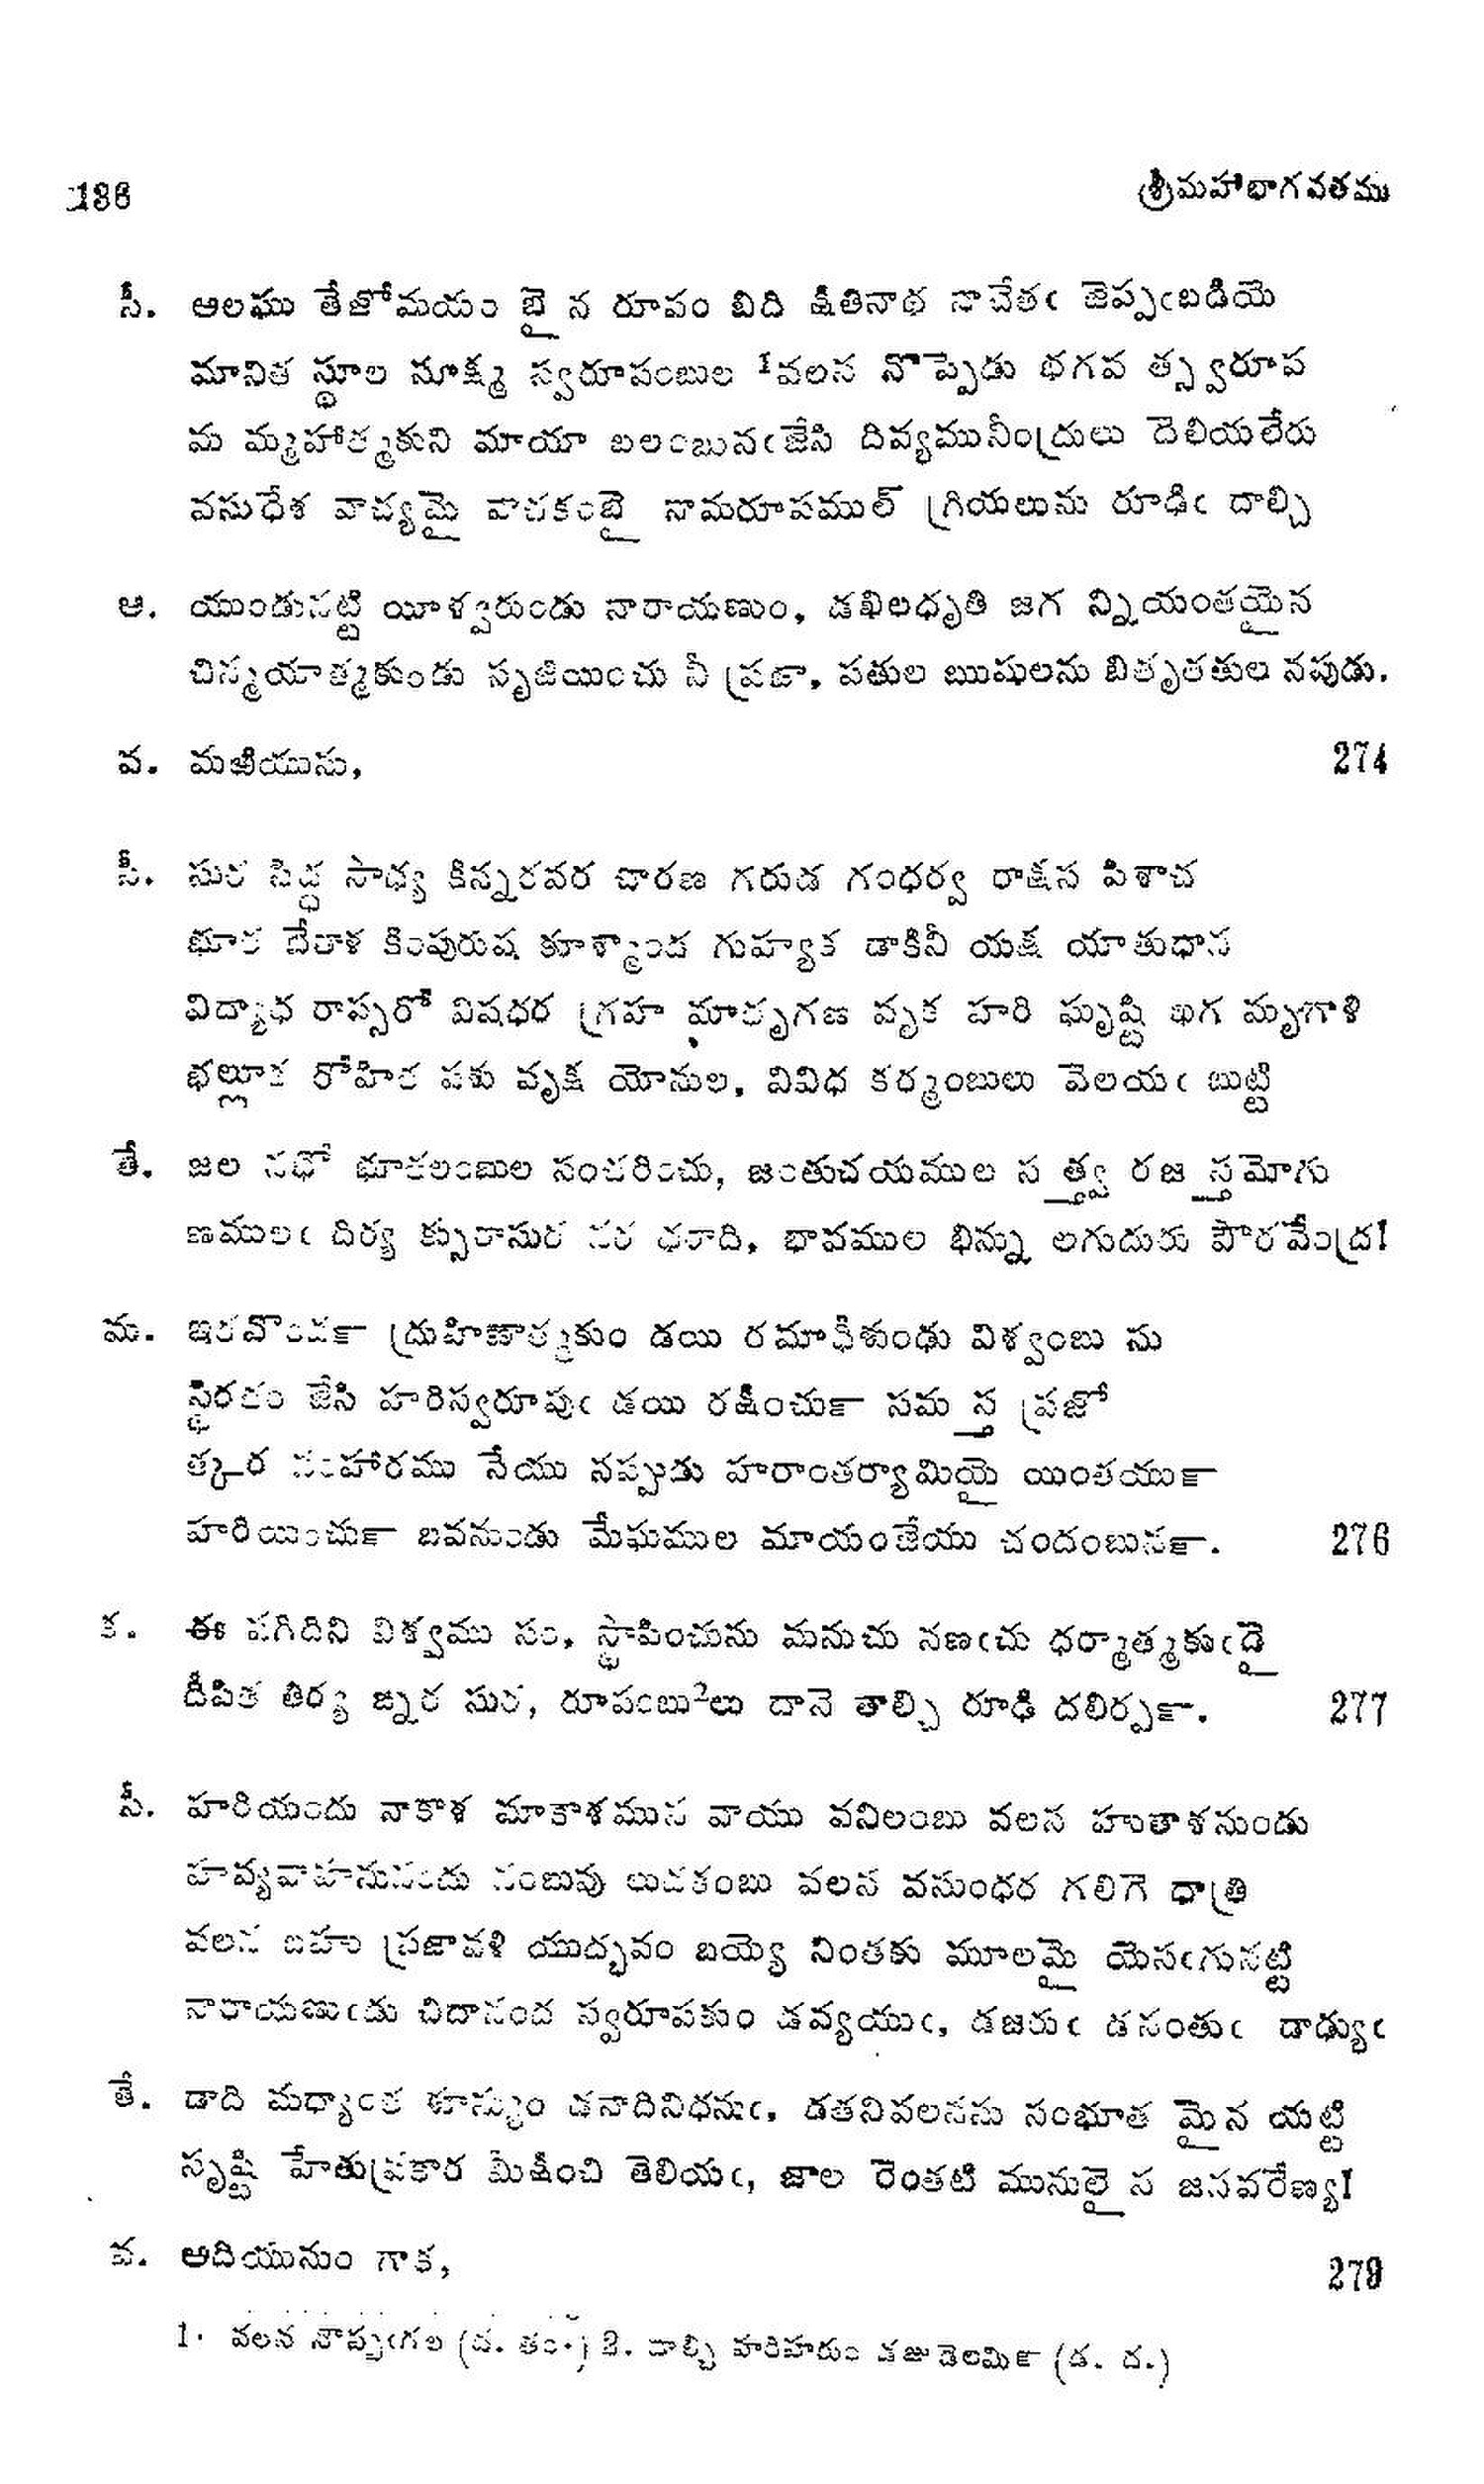136

సీ. అలఘు తేజోమయంబైన రూపం బిది క్షితినాథ నాచేతఁ జెప్పఁబడియె

మానిత స్థూల సూక్ష్మ స్వరూపంబుల వలన నొప్పెడు భగవ త్స్వరూప

మ మ్మహాత్మకుని మాయా బలంబునఁ జేసి దివ్యమునీంద్రులు దెలియలేరు.

వసుధేశ వాచ్యమై వాచకంబై నామరూపముల్ గ్రియలును రూఢిఁ దాల్చి

ఆ. యుండునట్టి యీశ్వరుండు నారాయణుం, డఖిలధృతి జగ న్నియంతయైన

చిన్నయాత్మకుండు సృజియించు నీ ప్రజా, పతుల ఋషులను బితృతతుల నపుడు. (273)

వ. మఱియును, (274)

సీ. సుర సిద్ధ సాధ్య కిన్నరవర చారణ గరుడ గంధర్వ రాక్షస పిశాచ

భూత భేతాళ కింపురుష కూశ్మాండ గుహ్యక డాకినీ యక్ష యాతుధాన

విద్యాధ రాప్సరో విషధర గ్రహ మాతృగణ వృక హరి ఘృష్టి ఖగ మృగాళి

భల్లూక రోహిత పశి వృక్ష యోనుల, వివిధ కర్మంబులు వెలయఁబుట్టి

తే. జల నభో భూతలంబుల సంచరించు, జంతుచయముల సత్వ రజస్తమోగు

ణములఁ దిర్య క్సురాసుర నర ధరాధి, భావముల భిన్ను లగుదురు పౌరవేంద్ర! (275)

మ. ఇరవొందన్ ద్రుహిణాత్మకుం డయి రమాధీశుండు విశ్వంబు సు

స్థిరతం జేసి హరిస్వరూపుఁ డయి రక్షించున్ సమస్త ప్రజో

త్కర సంహారము సేయు నప్పుడు హరాంతర్యామియై యింతయున్

హరియించున్ బవనుండు మేఘముల మాయంజేయు చందంబునన్. (276)

క. ఈ పగిదిని విశ్వము సం, స్థాపించును మనుచు నణఁచు ధర్మాత్మకుఁడై

దీపిత తిర్య జ్నర సుర, రూపంబు లా దానె తాల్చి రూఢి దలిర్పన్. (277)

సీ. హరియందు నాకాశ మాకాశమున వాయు వనిలంబు వలన హుతాశనుండు

హవ్యవాహనునందు నంబువు లుదకంబు వలన వసుంధర గలిగె ధాత్రి

వలన బహు ప్రజావళి యుద్భవం బయ్యె నింతకు మూలమై యెసఁగునట్టి

నారాయణుఁడు చిదానంద స్వరూపకుం డవ్యయుఁ, డజరుఁ డనంతుఁ డాఢ్యుఁ

తే. డాది మధ్యాంత శూన్యం డనాదినిధనుఁ, డతనివలనను సంధూత మైన యట్టి

సృష్టి హేతుప్రకార మీక్షించి తెలియఁ, జాల రెంతటి మునులైన జనవరేణ్య! (278)

వ. అదియునుం గాక, (279)